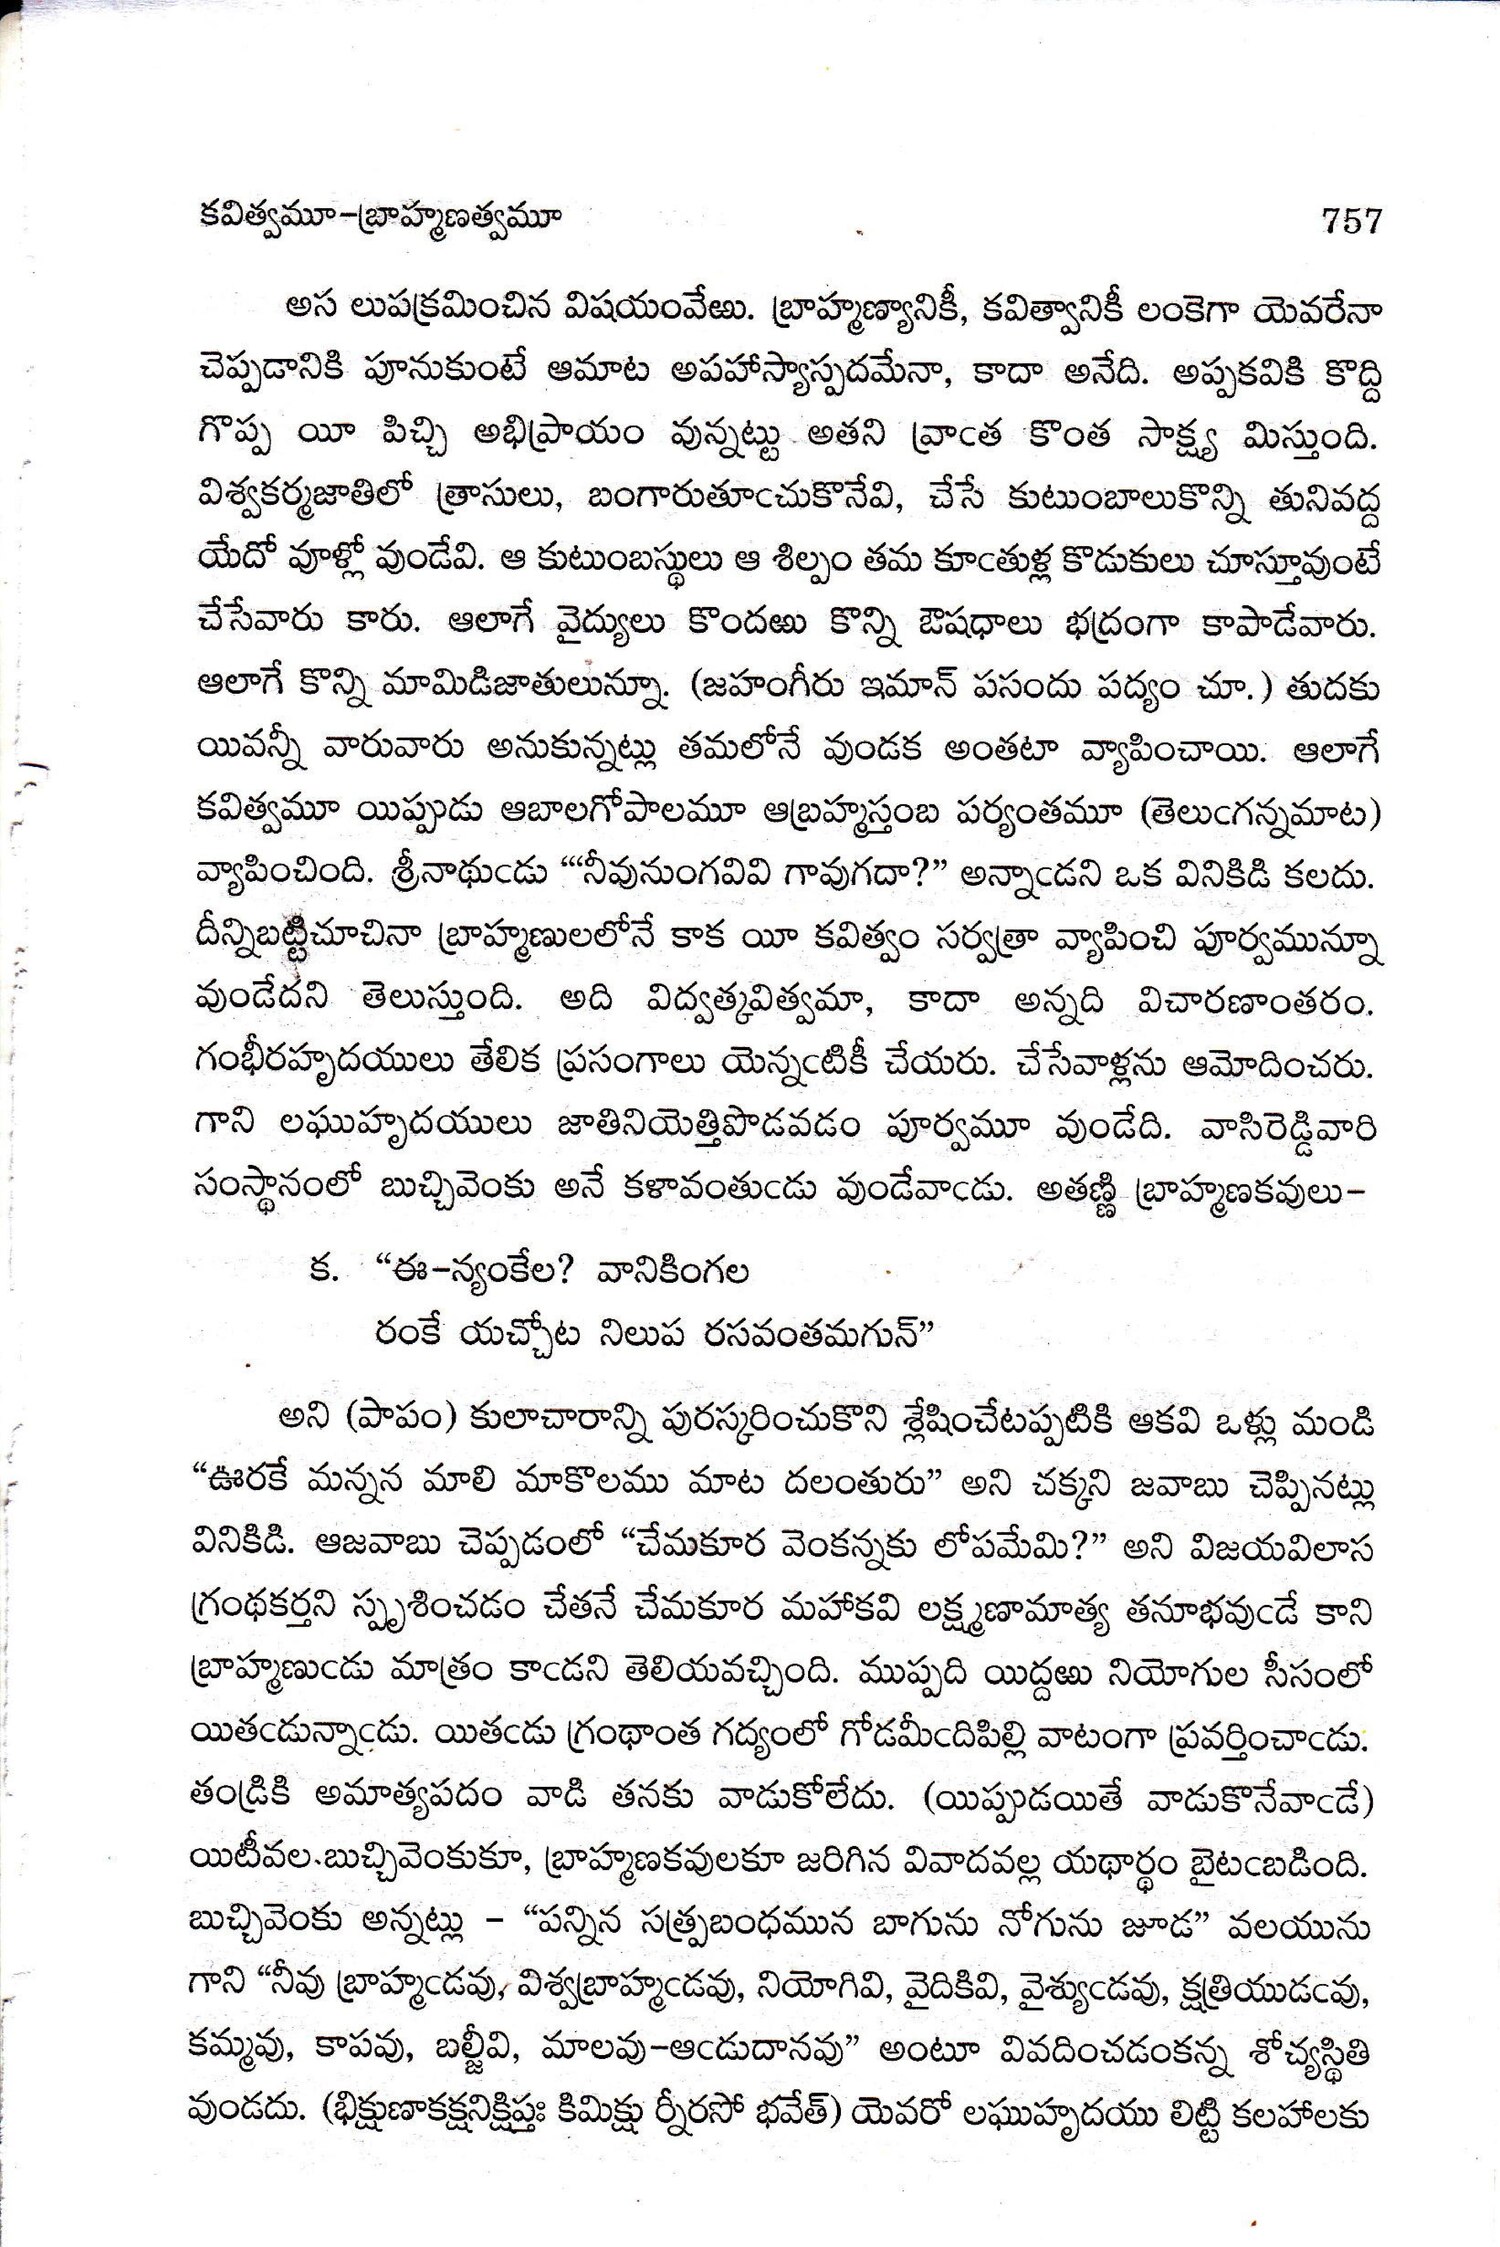అస లుపక్రమించిన విషయంవేఱు. బ్రాహ్మణ్యానికీ, కవిత్వానికీ లంకెగా యెవరేనా చెప్పడానికి పూనుకుంటే ఆమాట అపహాస్యాస్పదమేనా, కాదా అనేది. అప్పకవికి కొద్ది గొప్ప యీ పిచ్చి అభిప్రాయం వున్నట్టు అతని వ్రాఁత కొంత సాక్ష్య మిస్తుంది. విశ్వకర్మజాతిలో త్రాసులు, బంగారుతూఁచుకొనేవి, చేసే కుటుంబాలుకొన్ని తునివద్ద యేదో వూళ్లో వుండేవి. ఆ కుటుంబస్థులు ఆ శిల్పం తమ కూఁతుళ్ల కొడుకులు చూస్తూవుంటే చేసేవారు కారు. ఆలాగే వైద్యులు కొందఱు కొన్ని ఔషధాలు భద్రంగా కాపాడేవారు. ఆలాగే కొన్ని మామిడిజాతులున్నూ. (జహంగీరు ఇమాన్ పసందు పద్యం చూ.) తుదకు యివన్నీ వారువారు అనుకున్నట్లు తమలోనే వుండక అంతటా వ్యాపించాయి. ఆలాగే కవిత్వమూ యిప్పుడు ఆబాలగోపాలమూ ఆబ్రహ్మస్తంబ పర్యంతమూ (తెలుఁగన్నమాట) వ్యాపించింది. శ్రీనాథుఁడు “నీవునుంగవివి గావుగదా?" అన్నాఁడని ఒక వినికిడి కలదు. దీన్నిబట్టిచూచినా బ్రాహ్మణులలోనే కాక యీ కవిత్వం సర్వత్రా వ్యాపించి పూర్వమున్నూ వుండేదని తెలుస్తుంది. అది విద్వత్కవిత్వమా, కాదా అన్నది విచారణాంతరం. గంభీరహృదయులు తేలిక ప్రసంగాలు యెన్నఁటికీ చేయరు. చేసేవాళ్లను ఆమోదించరు. గాని లఘుహృదయులు జాతినియెత్తిపొడవడం పూర్వమూ వుండేది. వాసిరెడ్డివారి సంస్థానంలో బుచ్చివెంకు అనే కళావంతుఁడు వుండేవాఁడు. అతణ్ణి బ్రాహ్మణకవులు-

క. “ఈ-న్యంకేల? వానికింగల
 రంకే యచ్చోట నిలుప రసవంతమగున్"
అని (పాపం) కులాచారాన్ని పురస్కరించుకొని శ్లేషించేటప్పటికి ఆకవి ఒళ్లు మండి “ఊరకే మన్నన మాలి మాకొలము మాట దలంతురు" అని చక్కని జవాబు చెప్పినట్లు వినికిడి. ఆజవాబు చెప్పడంలో “చేమకూర వెంకన్నకు లోపమేమి?" అని విజయవిలాస గ్రంథకర్తని స్పృశించడం చేతనే చేమకూర మహాకవి లక్ష్మణామాత్య తనూభవుఁడే కాని బ్రాహ్మణుఁడు మాత్రం కాఁడని తెలియవచ్చింది. ముప్పది యిద్దఱు నియోగుల సీసంలో యితఁడున్నాఁడు. యితఁడు గ్రంథాంత గద్యంలో గోడమీఁదిపిల్లి వాటంగా ప్రవర్తించాcడు. తండ్రికి అమాత్యపదం వాడి తనకు వాడుకోలేదు. (యిప్పుడయితే వాడుకొనేవాఁడే) యిటీవల, బుచ్చివెంకుకూ, బ్రాహ్మణకవులకూ జరిగిన వివాదవల్ల యథార్థం బైటఁబడింది. బుచ్చివెంకు అన్నట్లు – “పన్నిన సత్ప్రబంధమున బాగును నోగును జూడ" వలయును గాని "నీవు బ్రాహ్మఁడవు, విశ్వబ్రాహ్మఁడవు, నియోగివి, వైదికివి, వైశ్యుఁడవు, క్షత్రియుడఁవు, కమ్మవు, కాపవు, బల్జీవి, మాలవు-ఆఁడుదానవు" అంటూ వివదించడంకన్న శోచ్యస్థితి వుండదు. (భిక్షుణాకక్షనిక్షిప్తః కిమిక్షు ర్నీరసో భవేత్) యెవరో లఘుహృదయు లిట్టి కలహాలకు